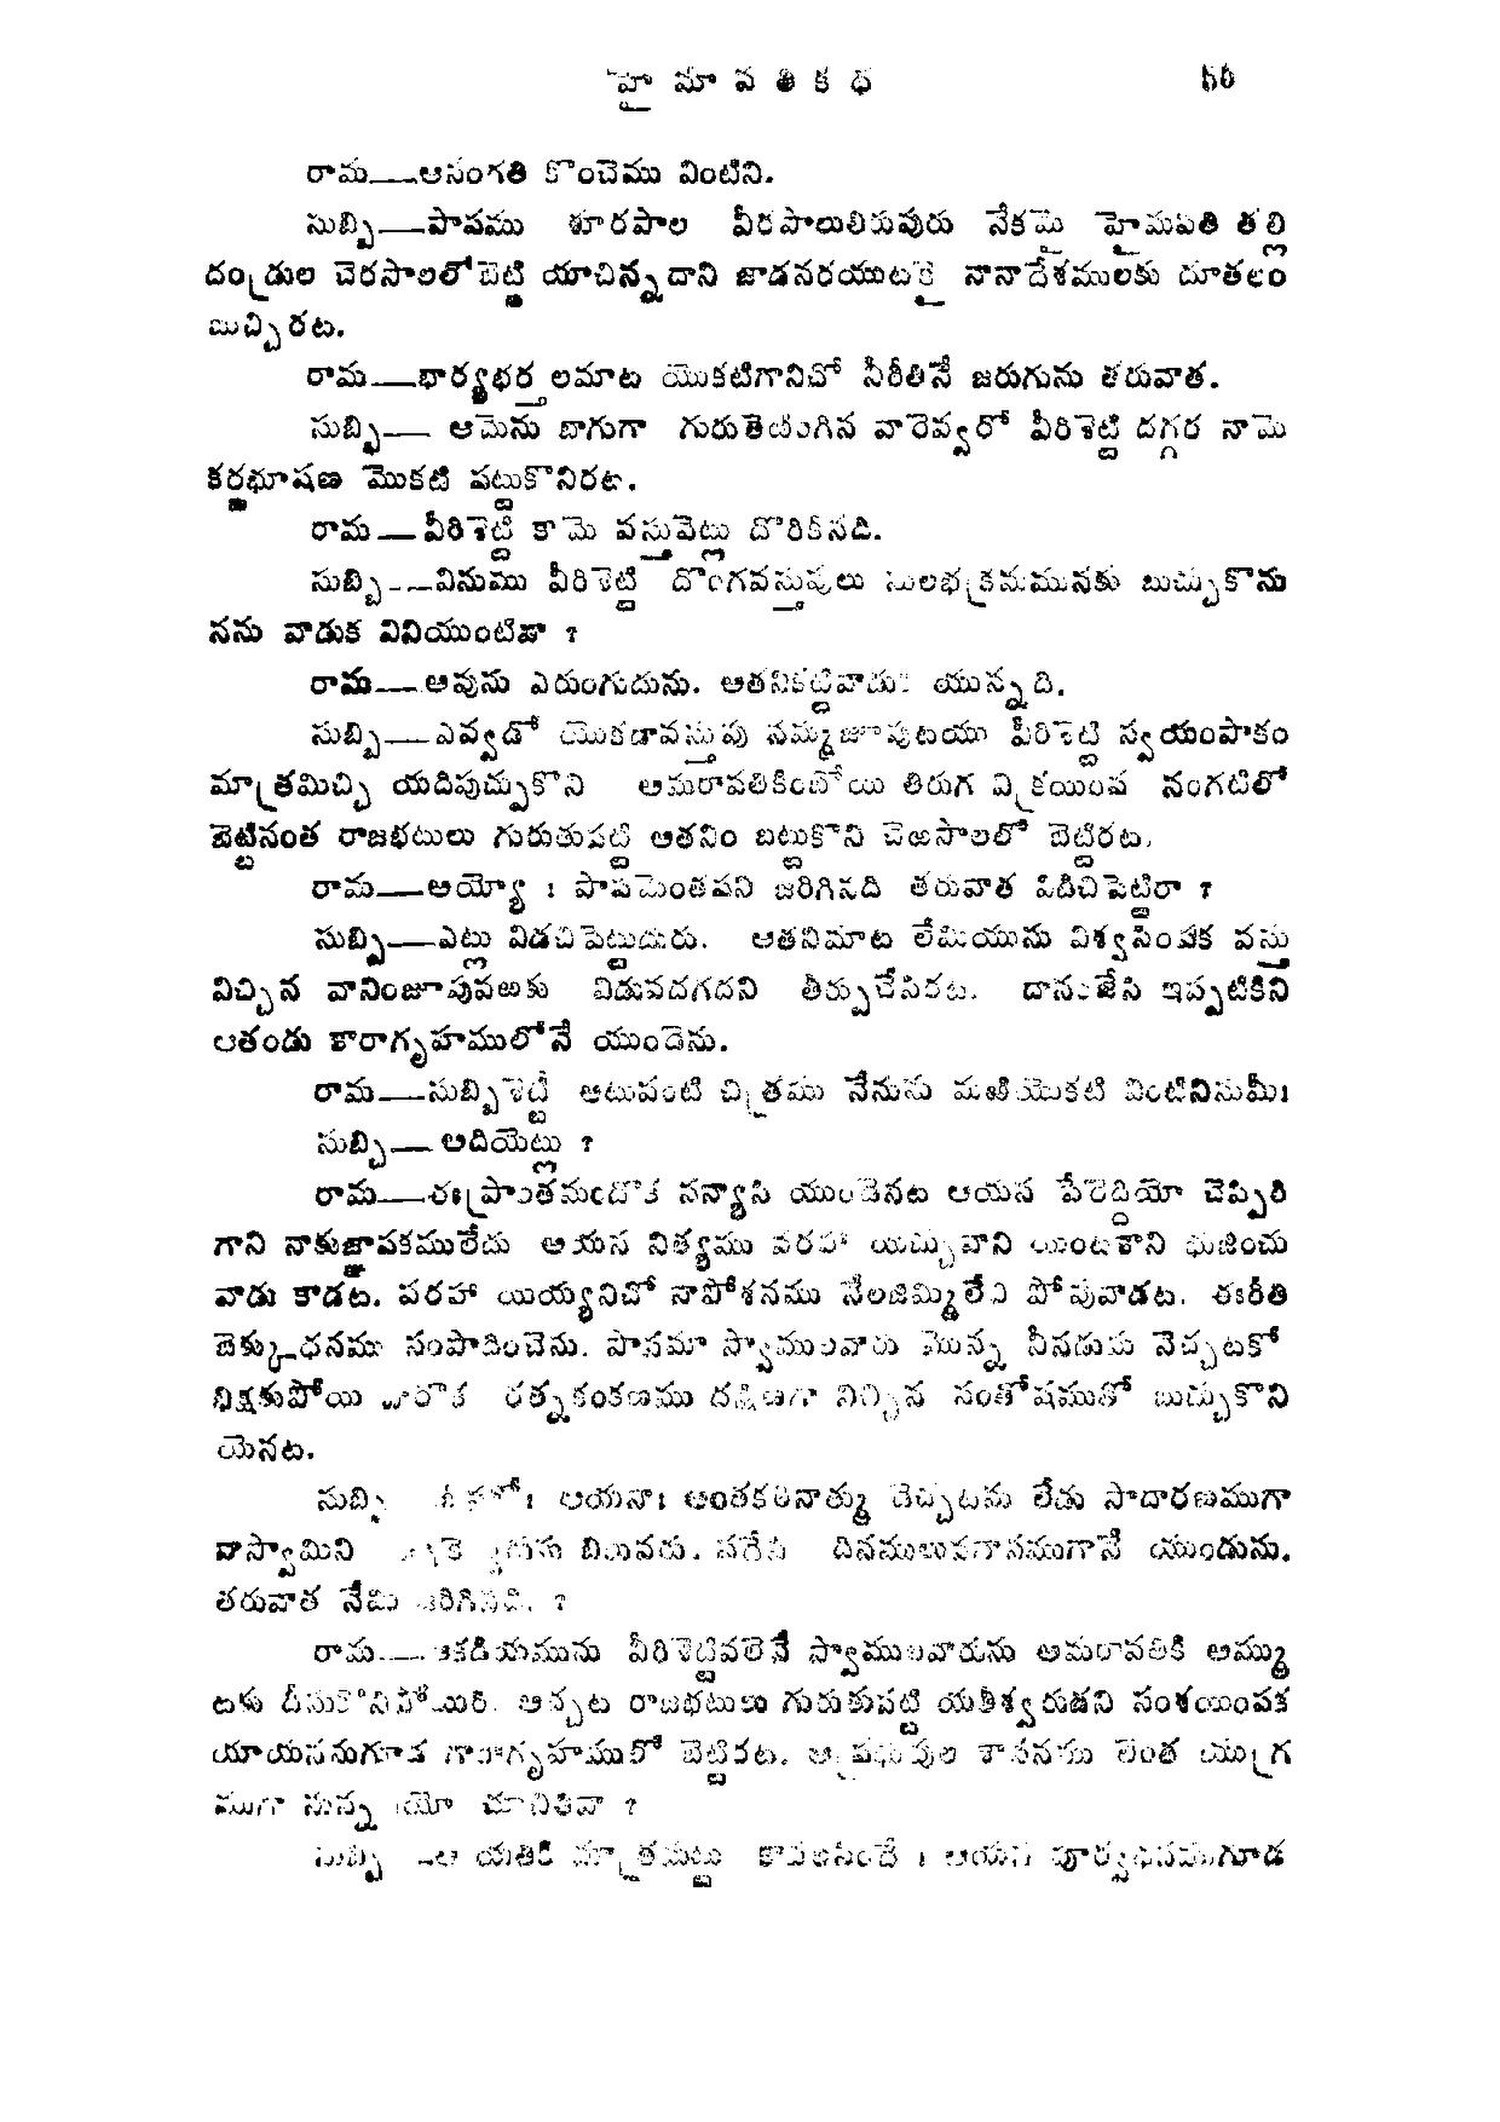రామ - ఆసంగతి కొంచెము వింటిని.

సుబ్బి — పాపము శూరపాల వీరపాలు లిరువురు నేకమై హైమవతి తల్లిదండ్రుల చెరసాలలో బెట్టి యాచిన్నదానిజాడ నరయుటకై నానాదేశములకు దూతలం బుచ్చిరట.

రామ - భార్యభర్తలమాట యొకటిగానిచో నీరీతినే జరుగును తరువాత.

సుబ్బి - ఆమెను బాగుగా గురుతెఱింగిన వారెవ్వరో వీరిశెట్టి దగ్గర నామె కర్ణభూషణ మొకటి పట్టుకొనిరట.

రామ — వీరిశెట్టి కామె వస్తువెట్లు దొరికినది.

సుబ్బి -- వినుము వీరిశెట్టి దొంగవస్తువులు సులభక్రయమునకు బుచ్చుకొను నను వాడుక వినియుంటివా ?

రాము - అవును ఎరుంగుదును. అతనికట్టివాడుక యున్నది.

సుబ్బి - ఎవ్వడో యొకడావస్తువు నమ్మజూపుటయు వీరిశెట్టి స్వయంపాకం మాత్రమిచ్చి యదిపుచ్చుకొని అమరావతికింబోయి తిరుగ విక్రయింప నంగటిలో బెట్టినంత రాజభటులు గురుతుపట్టి అతనిం బట్టుకొని చెఱసాలలో బెట్టిరట.

రామ - అయ్యో! పాపమెంతపని జరిగినది. తరువాత విడిచిపెట్టిరా?

సుబ్బి — ఎట్లు విడచిపెట్టుదురు. ఆతనిమాట లేమియును విశ్వసింపక వస్తువిచ్చిన వానింజూపువఱకు విడువదగదని తీర్పు చేసిరట. దానంజేసి ఇప్పటికిని ఆతండు కారాగృహములోనే యుండెను.

రామ - సుబ్బిశెట్టి అటువంటి చిత్రము నేనును మఱియొకటి వింటినిసుమీ?

సుబ్బి - అదియెట్లు?

రామ - ఈప్రాంతమందొక సన్యాసి యుండెనట ఆయన పేరెద్దియో చెప్పిరి గాని నాకుజ్ఞాపకములేదు. ఆయన నిత్యము వరహా యిచ్చువాని యింటకాని భుజించువాడు కాడట. వరహా యియ్యనిచో నాపోశనము నేలజిమ్మివేచి పోవువాడట. ఈరీతి బెక్కుధనము సంపాదించెను. పాపమా స్వాములవారు మొన్న నీనడుమ నెచ్చటకో భిక్షకుపోయి వారొక రత్నకంకణము దక్షిణగా నిచ్చిన సంతోషముతో బుచ్చుకొనియెనట.

సుబ్బి - ఓహో! ఆయనా! అంతకఠినాత్ము డెచ్చటను లేడు సాదారణముగా నాస్వామిని భిక్షకెవ్వరును బిలువరు. పదేసి దినములుపవాసముగానే యుండును. తరువాత నేమి జరిగినది ?

రామ - ఆకడియమును వీరిశెట్టివలెనే స్వాములవారును అమరావతికి అమ్ముటకు దీసుకొనిపోయిరి. అచ్చట రాజభటులు గురుతుపట్టి యతీశ్వరుడని సంశయింపక యాయననుగూడ గారాగృహములో బెట్టిరట. ఆప్రభువుల శాసనము లెంత యుగ్రముగా నున్నవియో చూచితివా?

సుబ్బి - ఆ యతికి మాత్రమట్టు కావలసిందే ! ఆయన పూర్వధనముగూడ